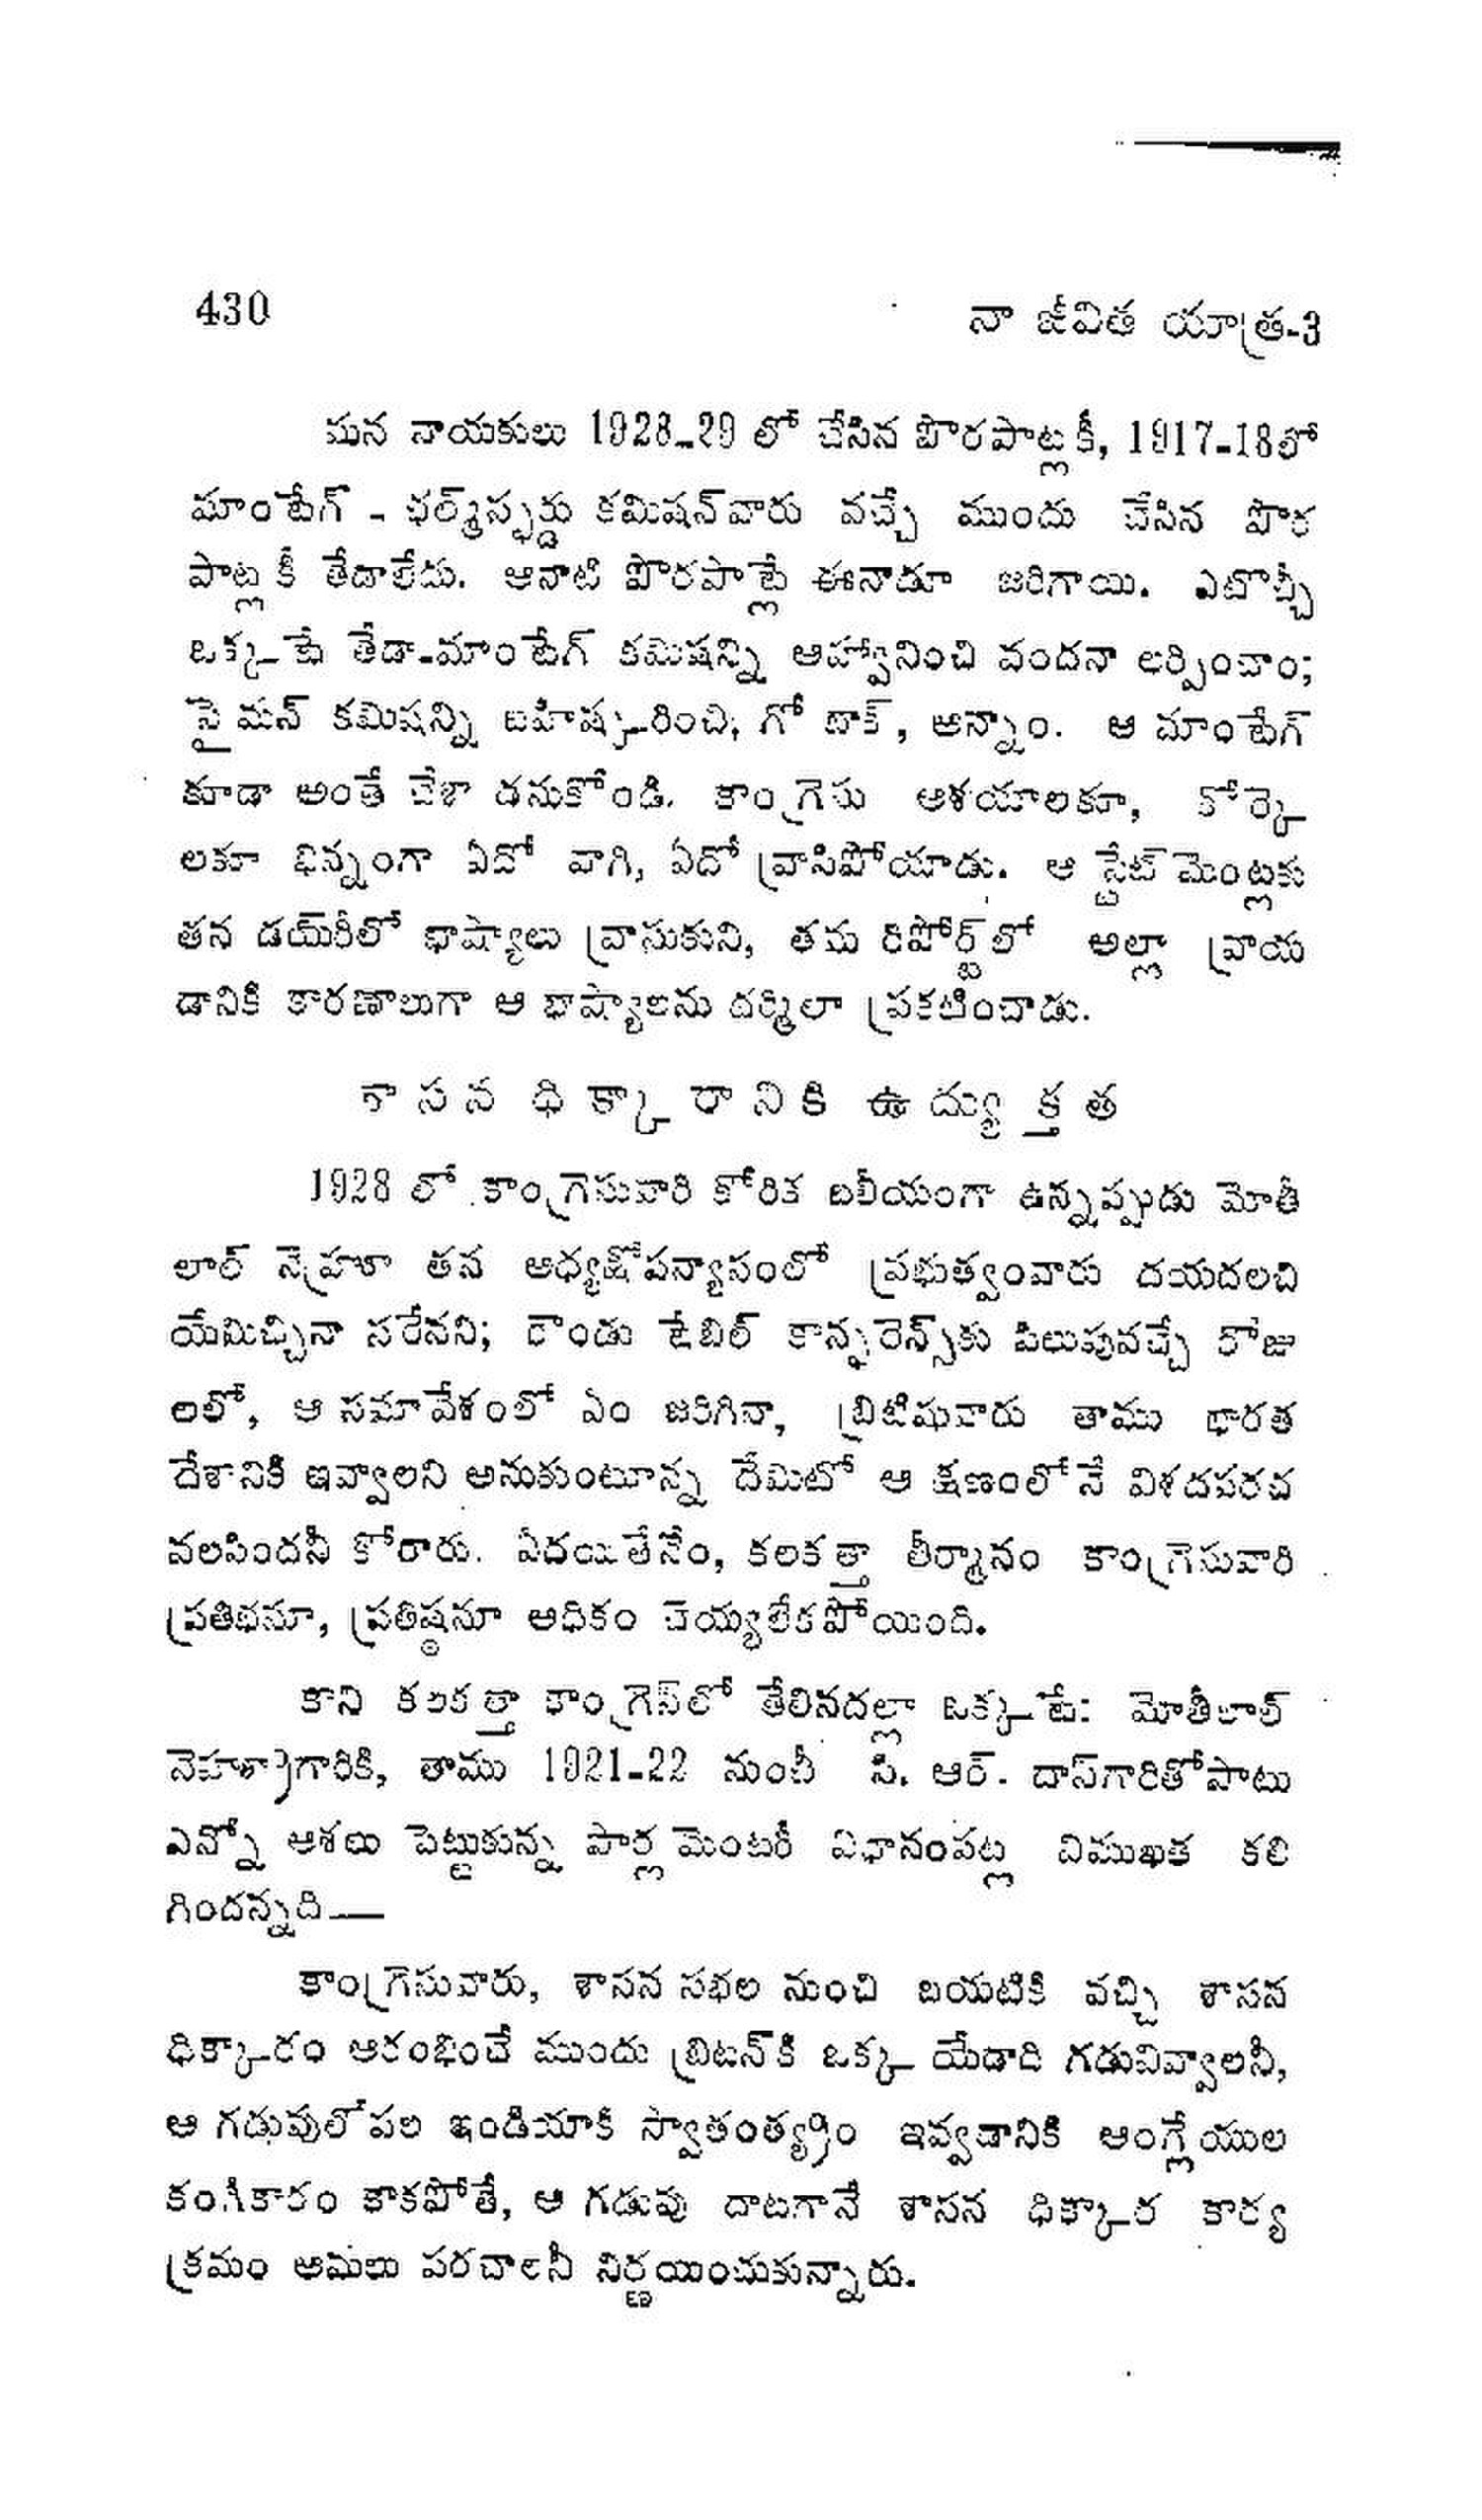మన నాయకులు 1928 - 29 లో చేసిన పొరపాట్లకీ, 1917 - 18 లో మాంటేగ్ - ఛల్మ్‌స్పర్డు కమిషన్‌వారు వచ్చే ముందు చేసిన పొరపాట్లకీ తేడాలేదు. ఆనాటి పొరపాట్లే ఈనాడూ జరిగాయి. ఎటొచ్చీ ఒక్కటే తేడా - మాంటేగ్ కమిషన్ని ఆహ్వానించి వందనా లర్పించాం; సైమన్ కమిషన్ని బహిష్కరించి, గో బాక్, అన్నాం. ఆ మాంటేగ్ కూడా అంతే చేశా డనుకోండి. కాంగ్రెసు ఆశయాలకూ, కోర్కెలకూ భిన్నంగా ఏదో వాగి, ఏదో వ్రాసిపోయాడు. ఆ స్టేట్‌మెంట్లకు తన డయ్‌రీలో భాష్యాలు వ్రాసుకుని, తమ రిపోర్ట్‌లో అల్లా వ్రాయడానికి కారణాలుగా ఆ భాష్యాలను దర్మిలా ప్రకటించాడు.

1928 లో కాంగ్రెసువారి కోరిక బలీయంగా ఉన్నప్పుడు మోతీలాల్ నెహ్రూ తన అధ్యక్షోపన్యాసంలో ప్రభుత్వంవారు దయదలచి యేమిచ్చినా సరేనని; రౌండు టేబిల్ కాన్ఫరెన్స్‌కు పిలుపువచ్చే రోజులలో, ఆ సమావేశంలో ఏం జరిగినా, బ్రిటిషువారు తాము భారత దేశానికి ఇవ్వాలని అనుకుంటూన్న దేమిటో ఆ క్షణంలోనే విశదపరచ వలసిందనీ కోరారు. ఏదయితేనేం, కలకత్తా తీర్మానం కాంగ్రెసువారి ప్రతిభనూ, ప్రతిష్ఠనూ అధికం చెయ్యలేకపోయింది.

కాని కలకత్తా కాంగ్రెస్‌లో తేలినదల్లా ఒక్కటే: మోతీలాల్ నెహ్రూగారికి, తాము 1921 - 22 నుంచీ పి. ఆర్. దాస్‌గారితోపాటు ఎన్నో ఆశలు పెట్టుకున్న పార్లమెంటరీ విధానంపట్ల విముఖత కలిగిందన్నది.

కాంగ్రెసువారు, శాసన సభల నుంచి బయటికి వచ్చి శాసన ధిక్కారం ఆరంభించే ముందు బ్రిటన్‌కి ఒక్క యేడాది గడువివ్వాలనీ, అ గడువులోపల ఇండియకి స్వాతంత్ర్యం ఇవ్వడానికి ఆంగ్లేయుల కంగీకారం కాకపోతే, అ గడువు దాటగానే శాసన ధిక్కార కార్యక్రమం అమలు పరచాలనీ నిర్ణయించుకున్నారు.